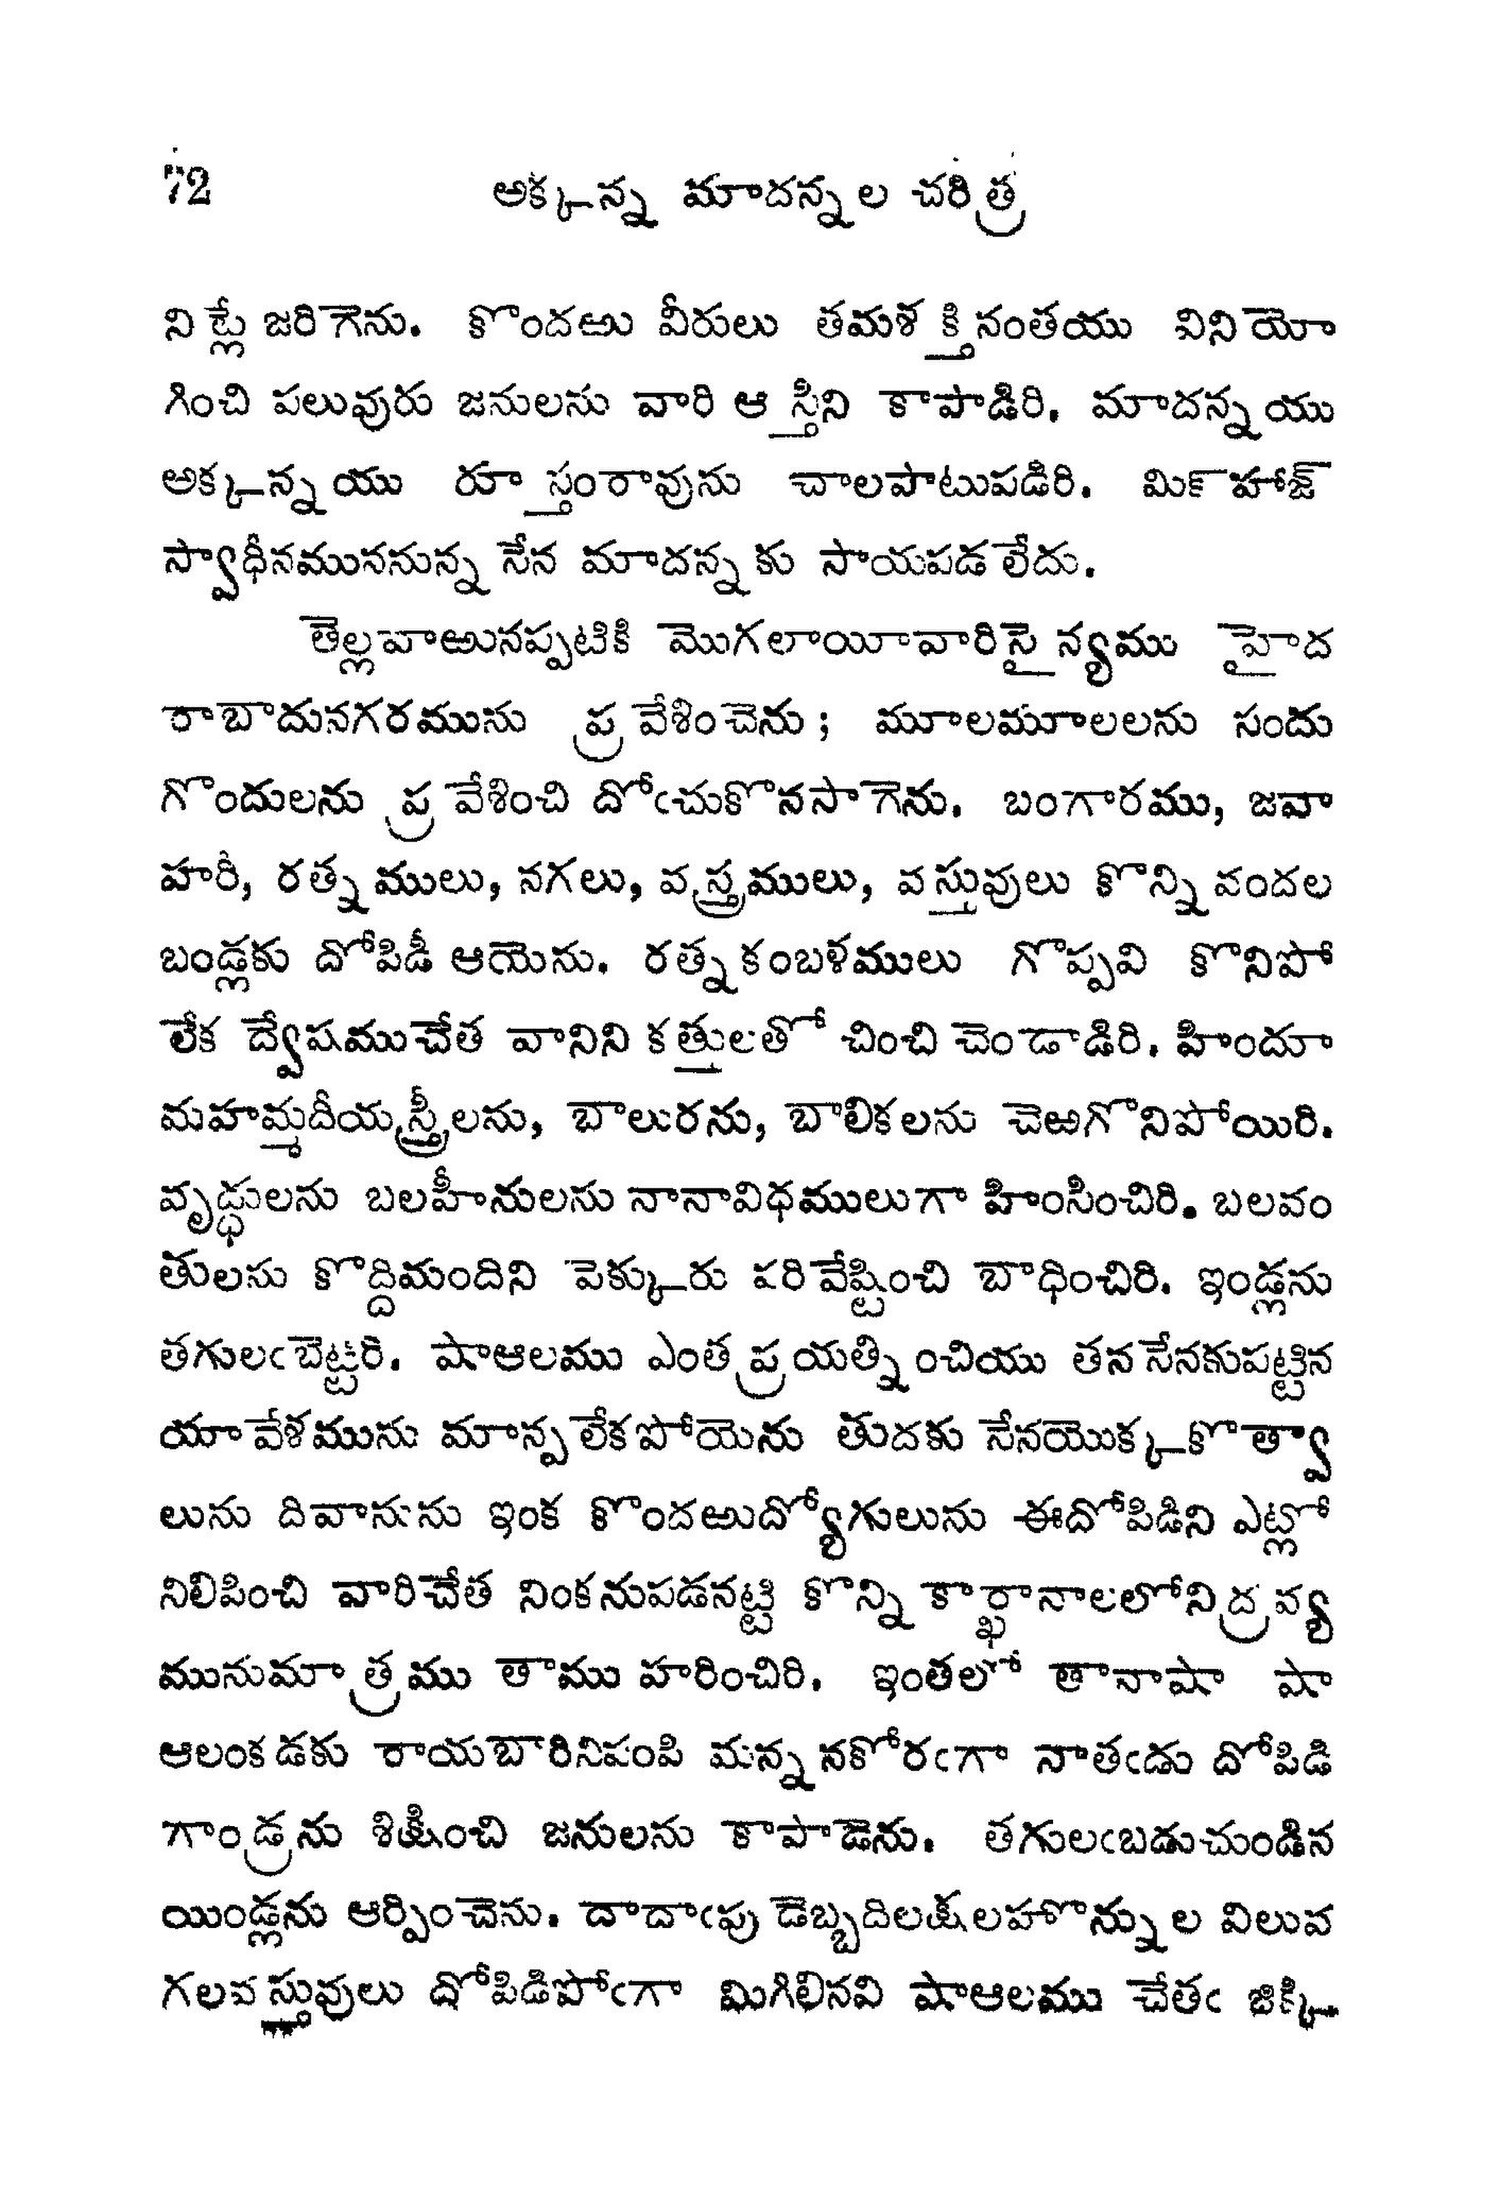నిట్లే జరిగెను. కొందఱు వీరులు తమశక్తినంతయు వినియోగించి పలువురు జనులను వారి ఆస్తిని కాపాడిరి. మాదన్నయు అక్కన్నయు రూస్తంరావును చాలపాటుపడిరి. మిౝహాజ్ స్వాధీనముననున్న సేన మాదన్నకు సాయపడలేదు.

తెల్లవాఱునప్పటికి మొగలాయీవారిసైన్యము హైదరాబాదునగరమును ప్రవేశించెను; మూలమూలలను సందు గొందులను ప్రవేశించి దోఁచుకొనసాగెను. బంగారము, జవాహరీ, రత్నములు, నగలు, వస్త్రములు, వస్తువులు కొన్ని వందల బండ్లకు దోపిడీ ఆయెను. రత్నకంబళములు గొప్పవి కొనిపోలేక ద్వేషముచేత వానిని కత్తులతో చించి చెండాడిరి. హిందూ మహమ్మదీయస్త్రీలను, బాలురను, బాలికలను చెఱగొనిపోయిరి. వృద్ధులను బలహీనులను నానావిధములుగా హింసించిరి. బలవంతులను కొద్దిమందిని పెక్కురు పరివేష్టించి బాధించిరి. ఇండ్లను తగులఁబెట్టరి. షాఆలము ఎంత ప్రయత్నించియు తనసేనకుపట్టిన యావేశమును మాన్పలేకపోయెను తుదకు సేనయొక్కకొత్వాలును దివానును ఇంక కొందఱుద్యోగులును ఈదోపిడిని ఎట్లో నిలిపించి వారిచేత నింకనుపడనట్టి కొన్ని కార్ఖానాలలోనిద్రవ్యమునుమాత్రము తాము హరించిరి. ఇంతలో తానాషా షాఆలంకడకు రాయబారినిపంపి మన్ననకోరఁగా నాతఁడు దోపిడి గాండ్రను శిక్షించి జనులను కాపాడెను. తగులఁబడుచుండిన యిండ్లను ఆర్పించెను. దాదాఁపు డెబ్బదిలక్షలహొన్నుల విలువ గలవస్తువులు దోపిడిపోఁగా మిగిలినవి షాఆలము చేతఁ జిక్కి